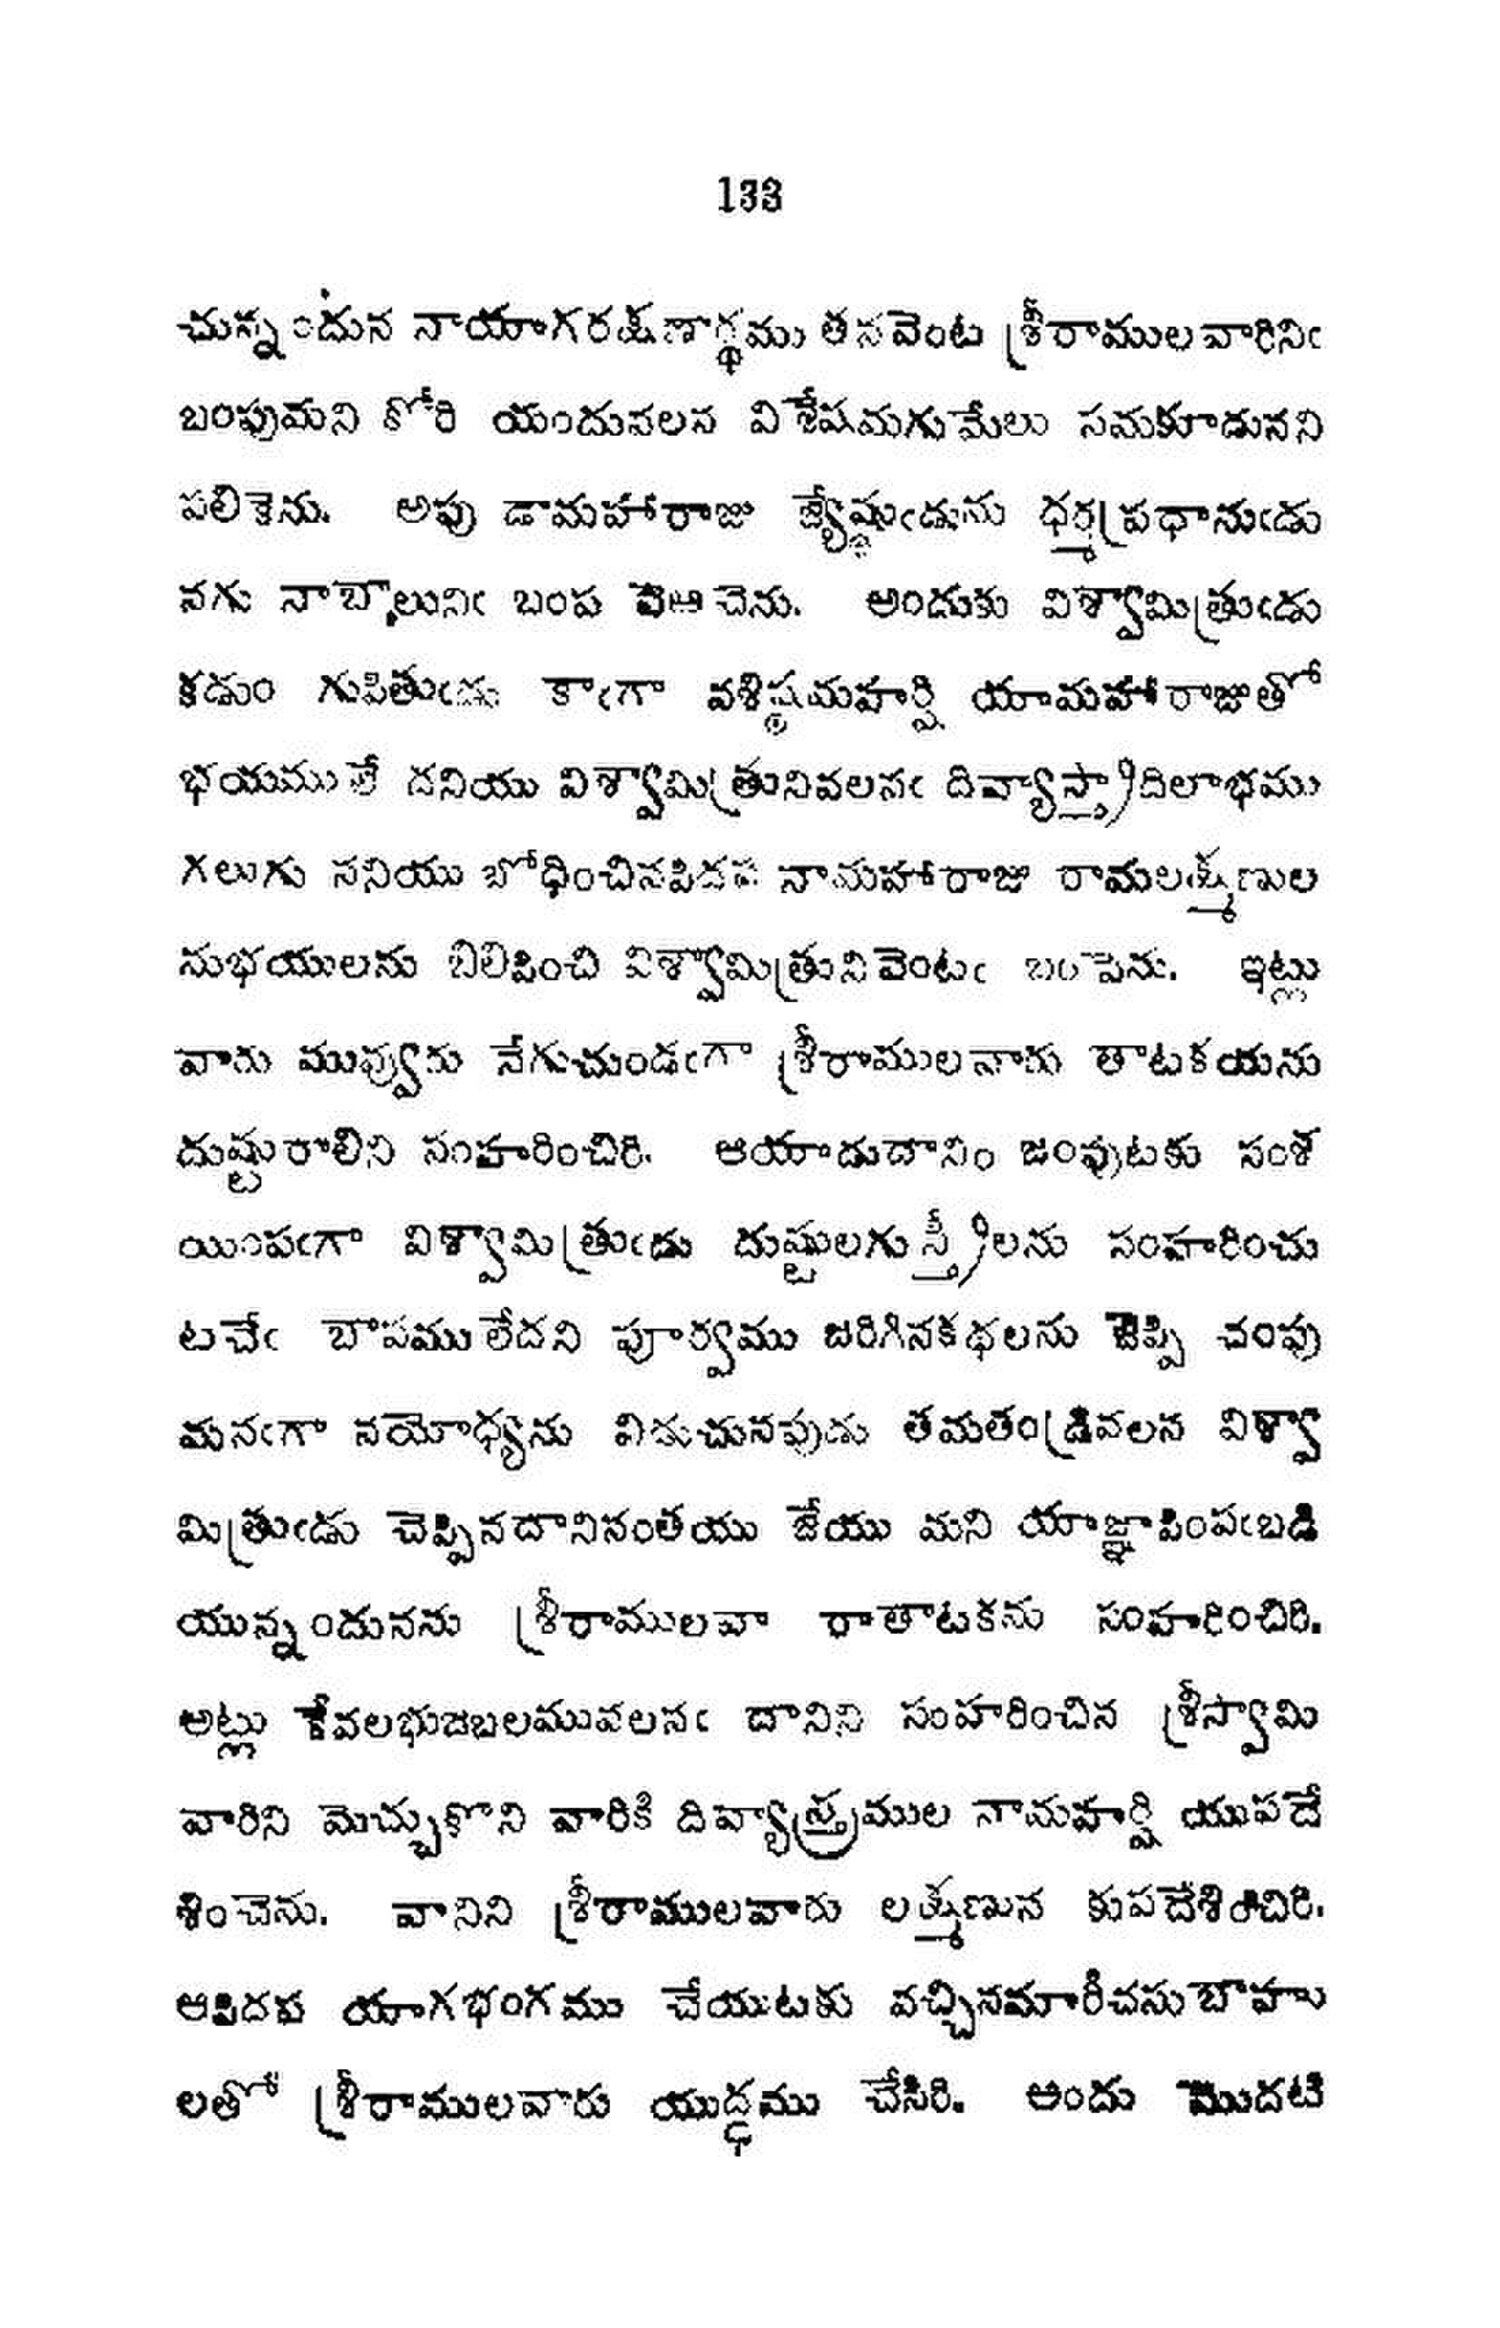చున్నందున నాయాగరక్షణార్థము తనవెంట శ్రీరాములవారినిఁ బంపుమని కోరి యందువలన విశేషమగుమేలు సమకూడునని పలికెను. అపు డామహారాజు జ్యేష్ఠుఁడును ధర్మప్రధానుఁడు నగు నాబాలునిఁ బంప వెఱచెను. అందుకు విశ్వామిత్రుఁడు కడుం గుపితుఁడు కాఁగా వశిష్ఠమహర్షి యామహారాజుతో భయము లే దనియు విశ్వామిత్రునివలనఁ దివ్యాస్త్రాదిలాభము గలుగు ననియు బోధించినపిదప నామహారాజు రామలక్ష్మణుల నుభయులను బిలిపించి విశ్వామిత్రునివెంటఁ బంపెను. ఇట్లు వారు మువ్వురు నేగుచుండఁగా శ్రీరాములవారు. తాటకయను దుష్టురాలిని సంహరించిరి. ఆయాడుదానిం జంపుటకు సంశయింపఁగా విశ్వామిత్రుఁడు దుష్టులగుస్త్రీలను సంహరించుటచేఁ బాపములేదని పూర్వము జరిగినకథలను జెప్పి చంపుమనఁగా నయోధ్యను విడుచునప్పుడు తమతండ్రివలన విశ్వామిత్రుఁడు చెప్పినదానినంతయు జేయు మని యాజ్ఞాపింపఁబడి యున్నందునను శ్రీరాములవా రాతాటకను సంహరించిరి. అట్లు కేవల భుజబలమువలనఁ దానిని సంహరించిన శ్రీస్వామివారిని మెచ్చుకొని వారికి దివ్యాస్త్రముల నామహర్షి యుపదేశించెను. వానిని శ్రీరాములవారు లక్ష్మణున కుపదేశించిరి. ఆపిదప యాగభంగము చేయుటకు వచ్చినమారీచసుబాహులతో శ్రీరాములవారు యుద్ధము చేసిరి. అందు మొదటి